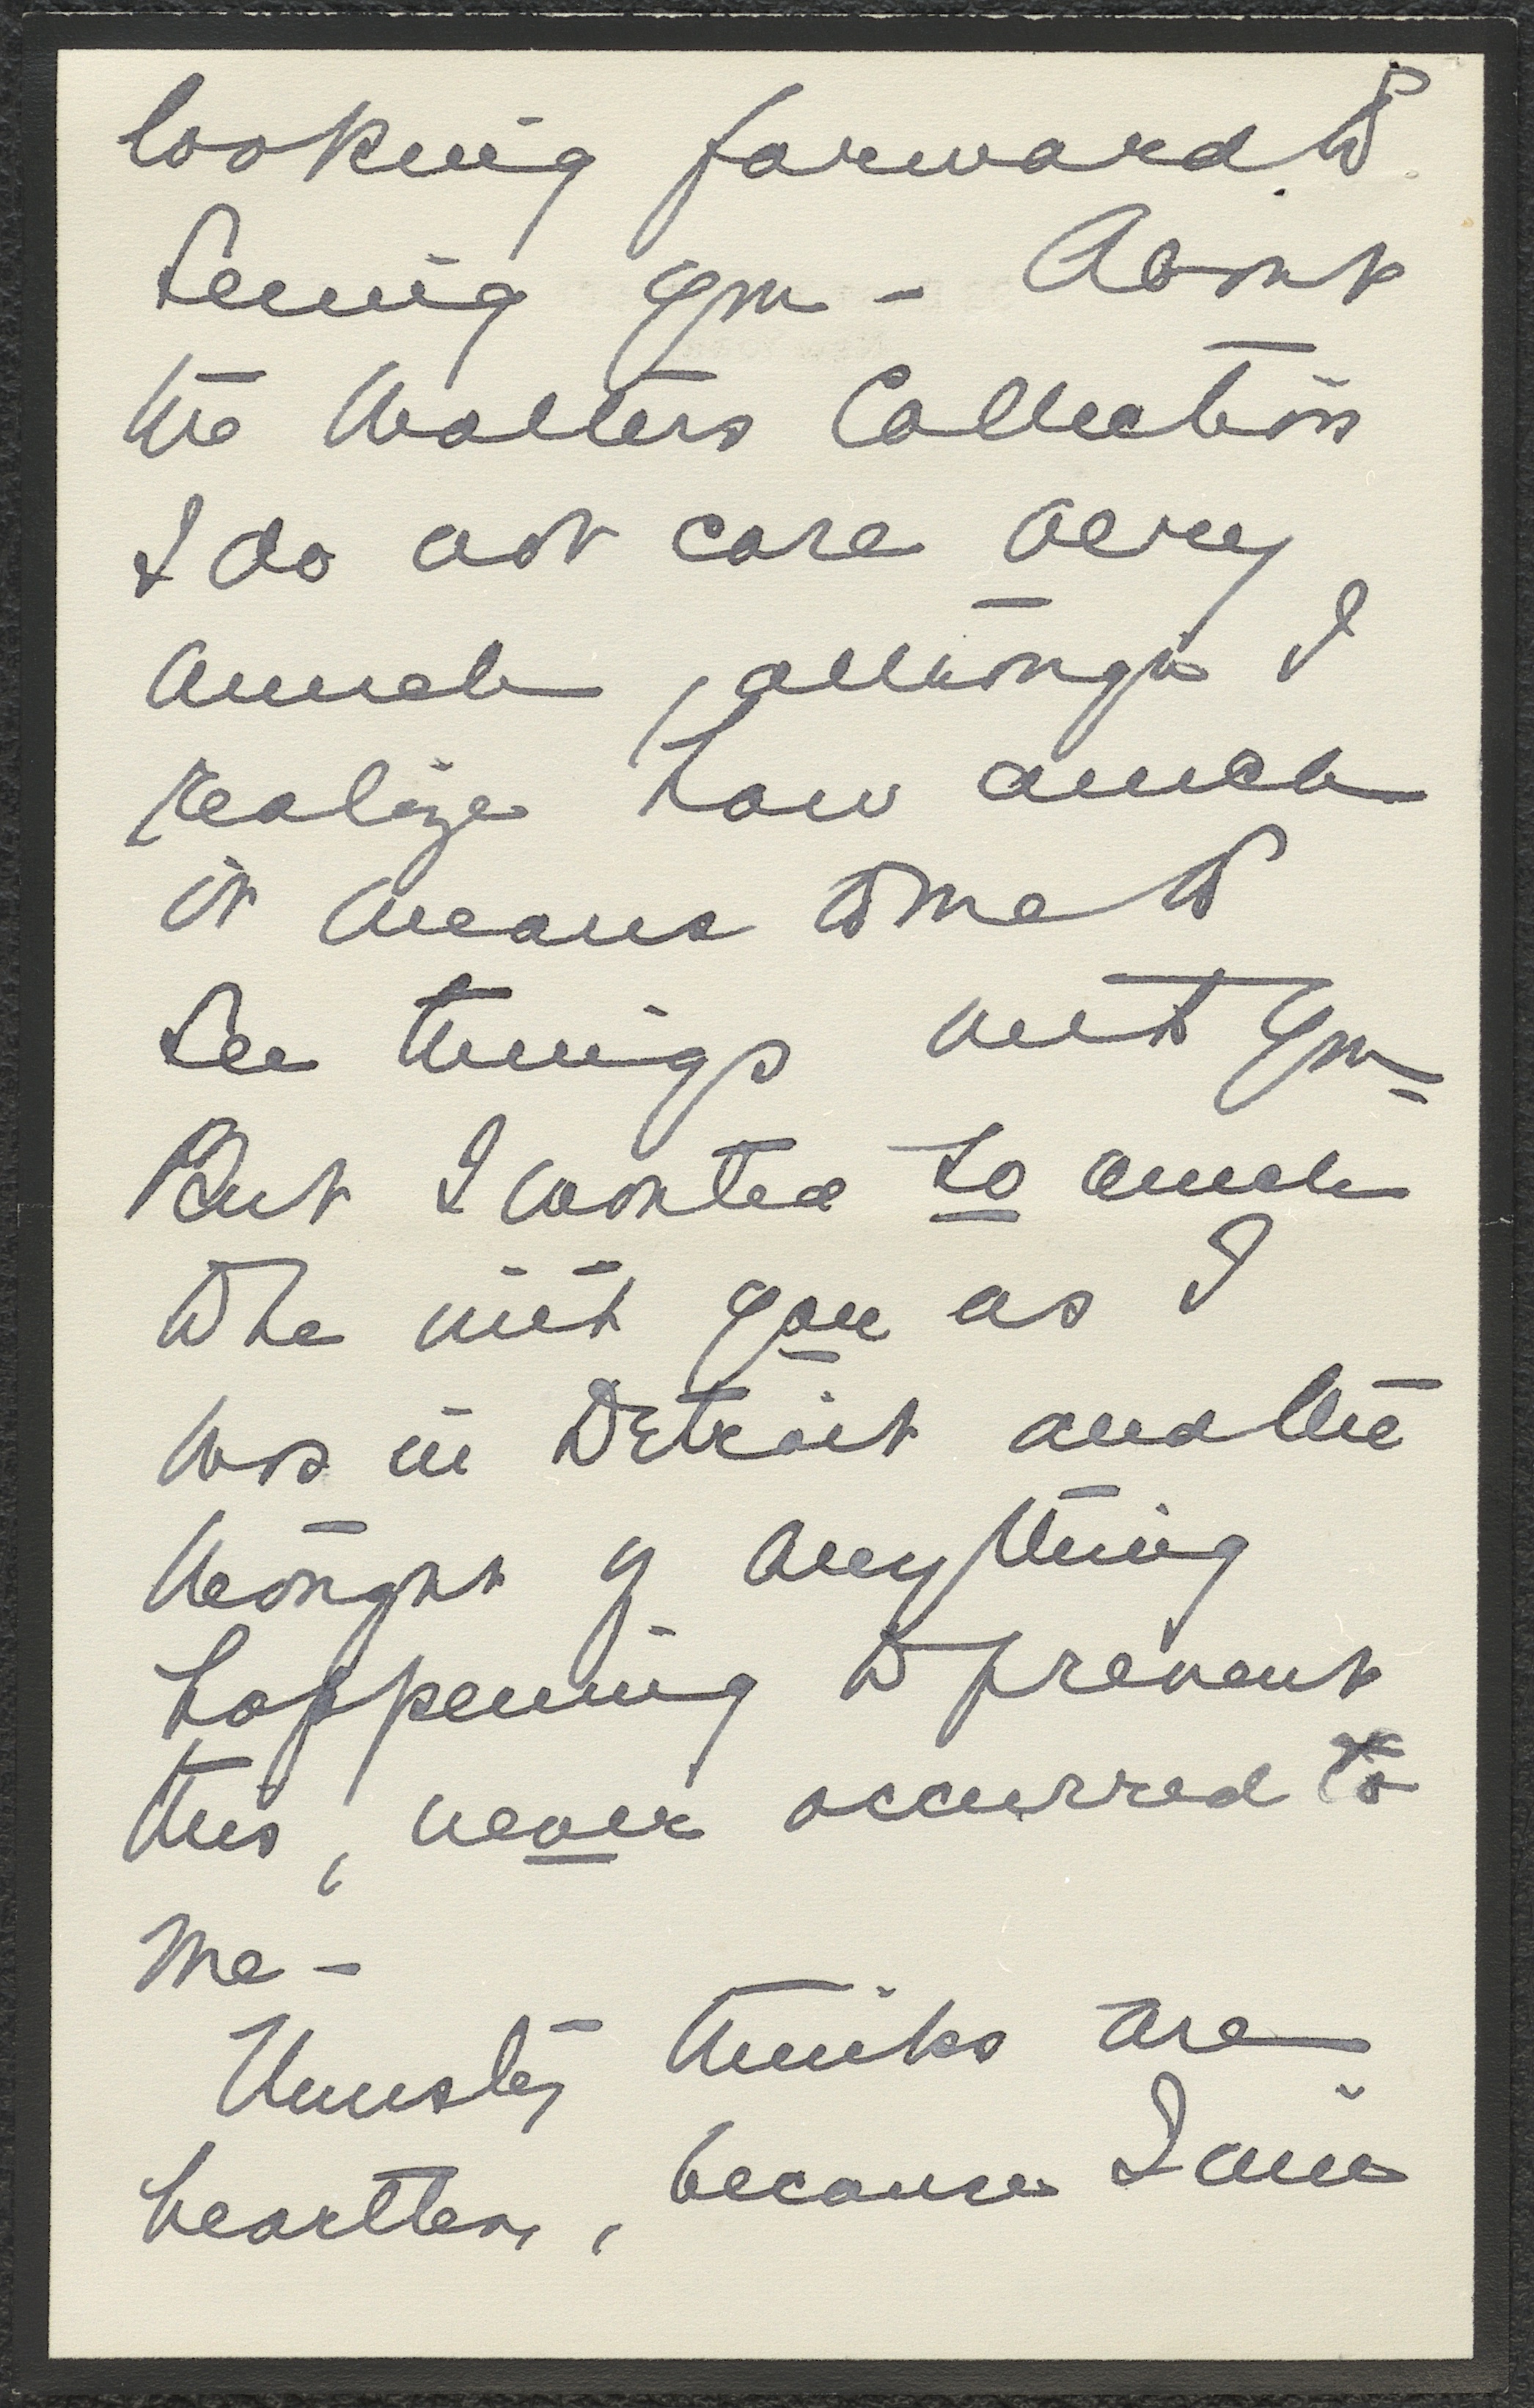looking forward to seeing you – About the Walters Collection I do not care very much, although I realize how much it means to me to see things with you – But I wanted so much to be with you as I was in Detroit and the thought of anything happening to prevent this, never occurred to me –
Thursty thinks me heartless, because I am